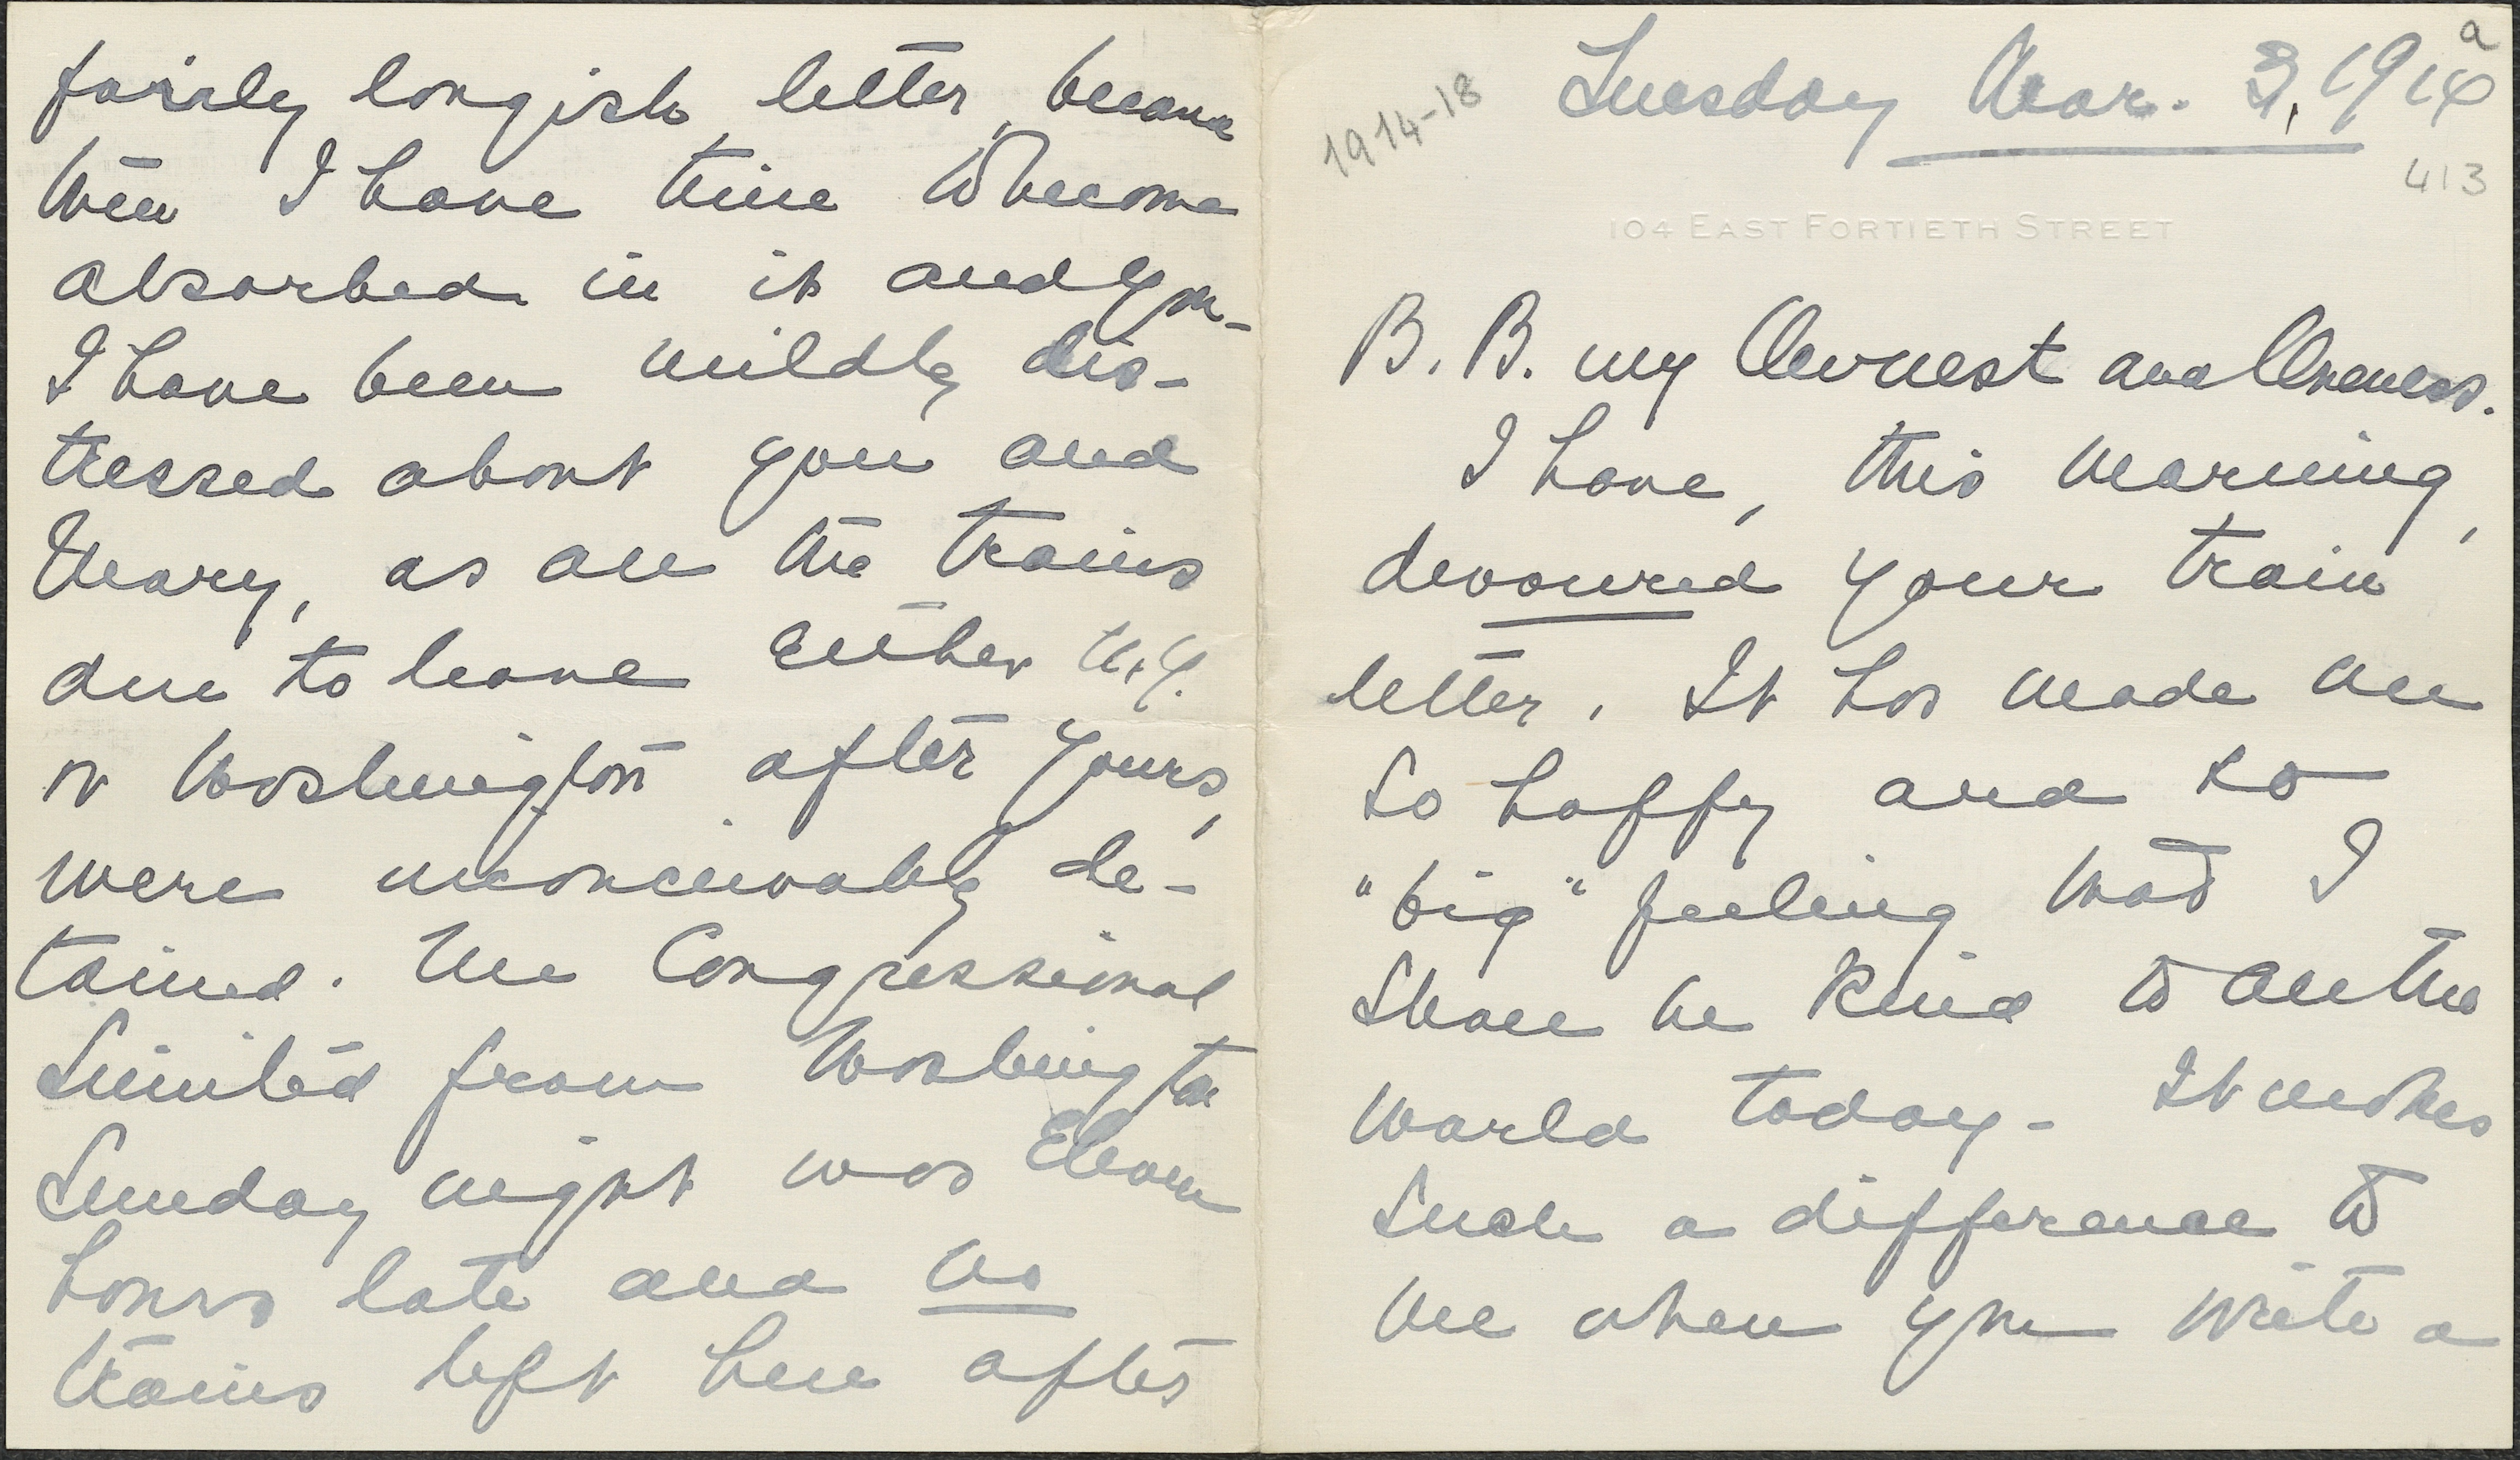Tuesday Mar. 3, 1914
B.B. my Cleverest and Oneness.
I have, this morning, devoured your train letter. It has made me so happy and so “big” feeling that I shall be kind to all the world today – It makes such a difference to me when you write a
fairly longish letter because then I have time to become absorbed in it and you – I have been wildly distressed about you and Mary, as all the trains due to leave either N.Y. or Washington after yours, were inconceivably detained. The Congressional Limited from Washington Sunday night was eleven hours late and no trains left here after